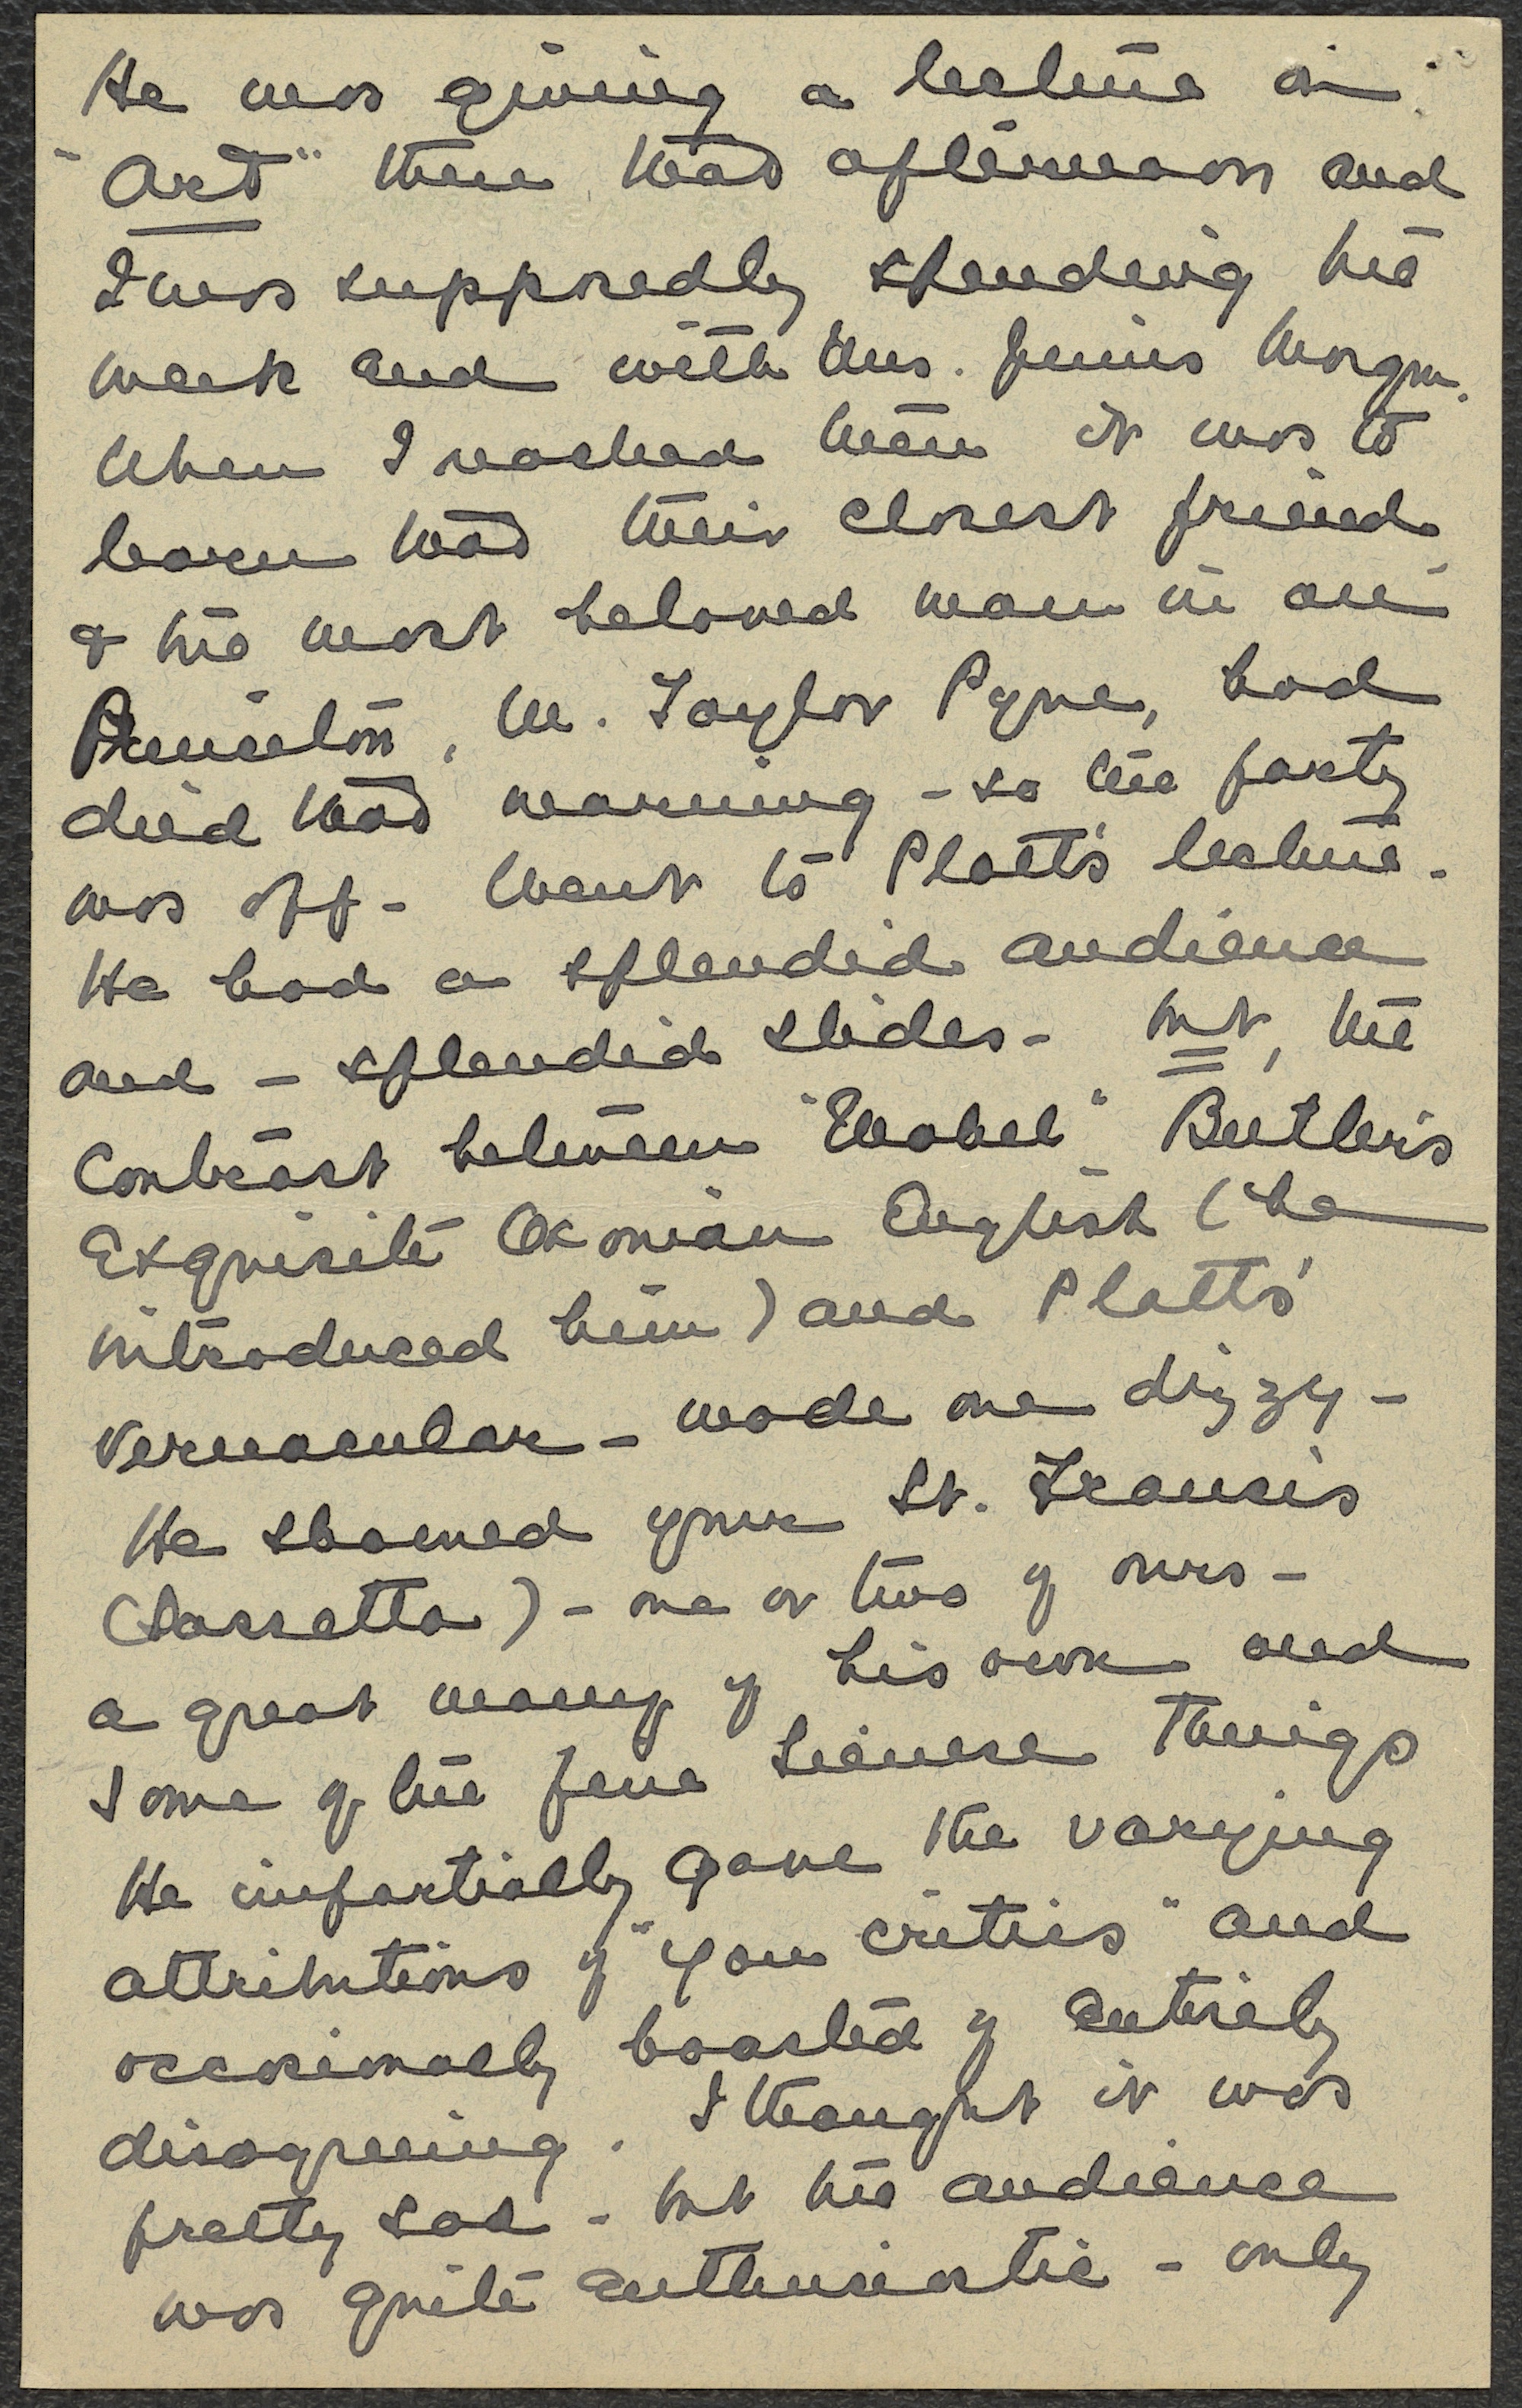He was giving a lecture on “Art” there that afternoon and I was supposedly spending the week end with Mrs. Junius Morgan. When I reached them it was to learn that their closest friend & the most beloved man in all Princeton, M. Taylor Pyne, had died that morning – so the party was off – Went to Platt’s lecture – He had a splendid audience and – splendid slides – [double underlined: but], the contrast between “Mabel” Butler’s exquisite Oxonian English (he introduced him) and Platts’ vernacular – made one dizzy – He showed your St. Francis [sic] (Sassetta) – one or two of ours – a great many of his own and some of the fine Sienese things
He impartially gave the varying attributions of “you critics” and occasionally boasted of entirely disagreeing. I thought it was pretty sad – but the audience was quite enthusiastic – only